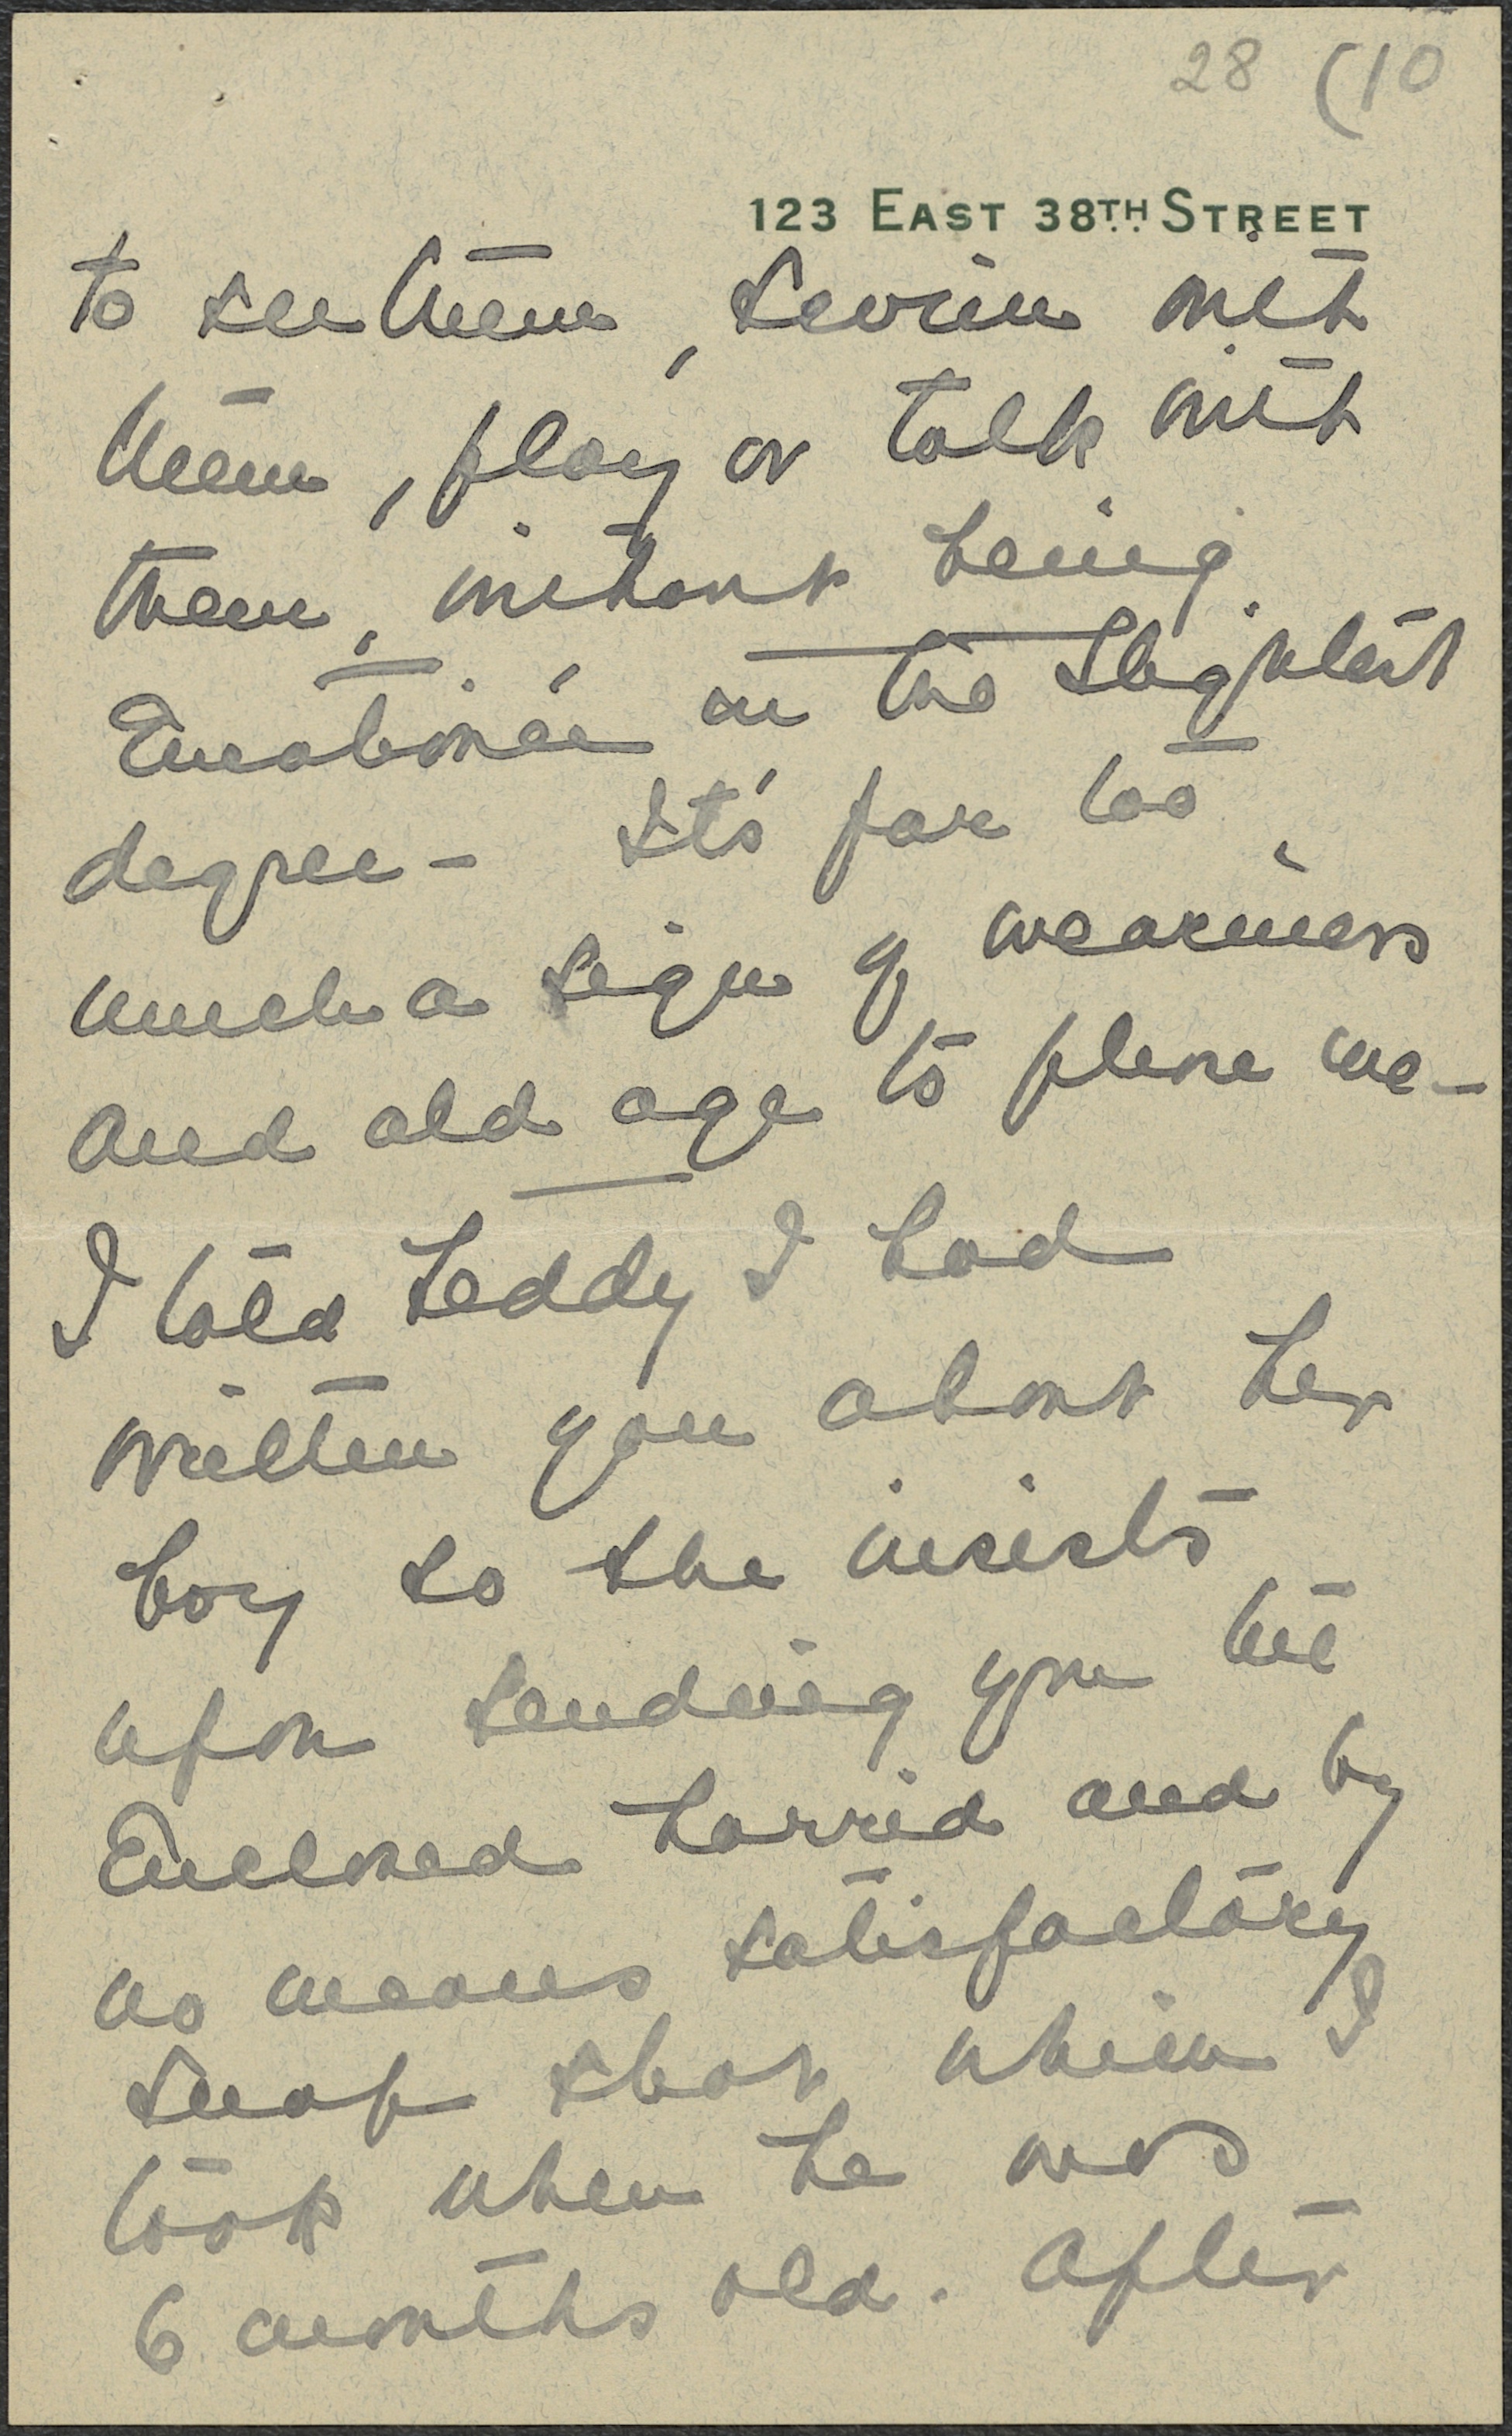to see them, swim with them, play or talk with them, without being questioned on the slightest degree – It's far too much a sign of weariness and old age to please me –
I told Teddy I had written you about her boy so she insists upon sending you the enclosed horrid and by no means satisfactory snap shot which I took when he was 6 months old. After